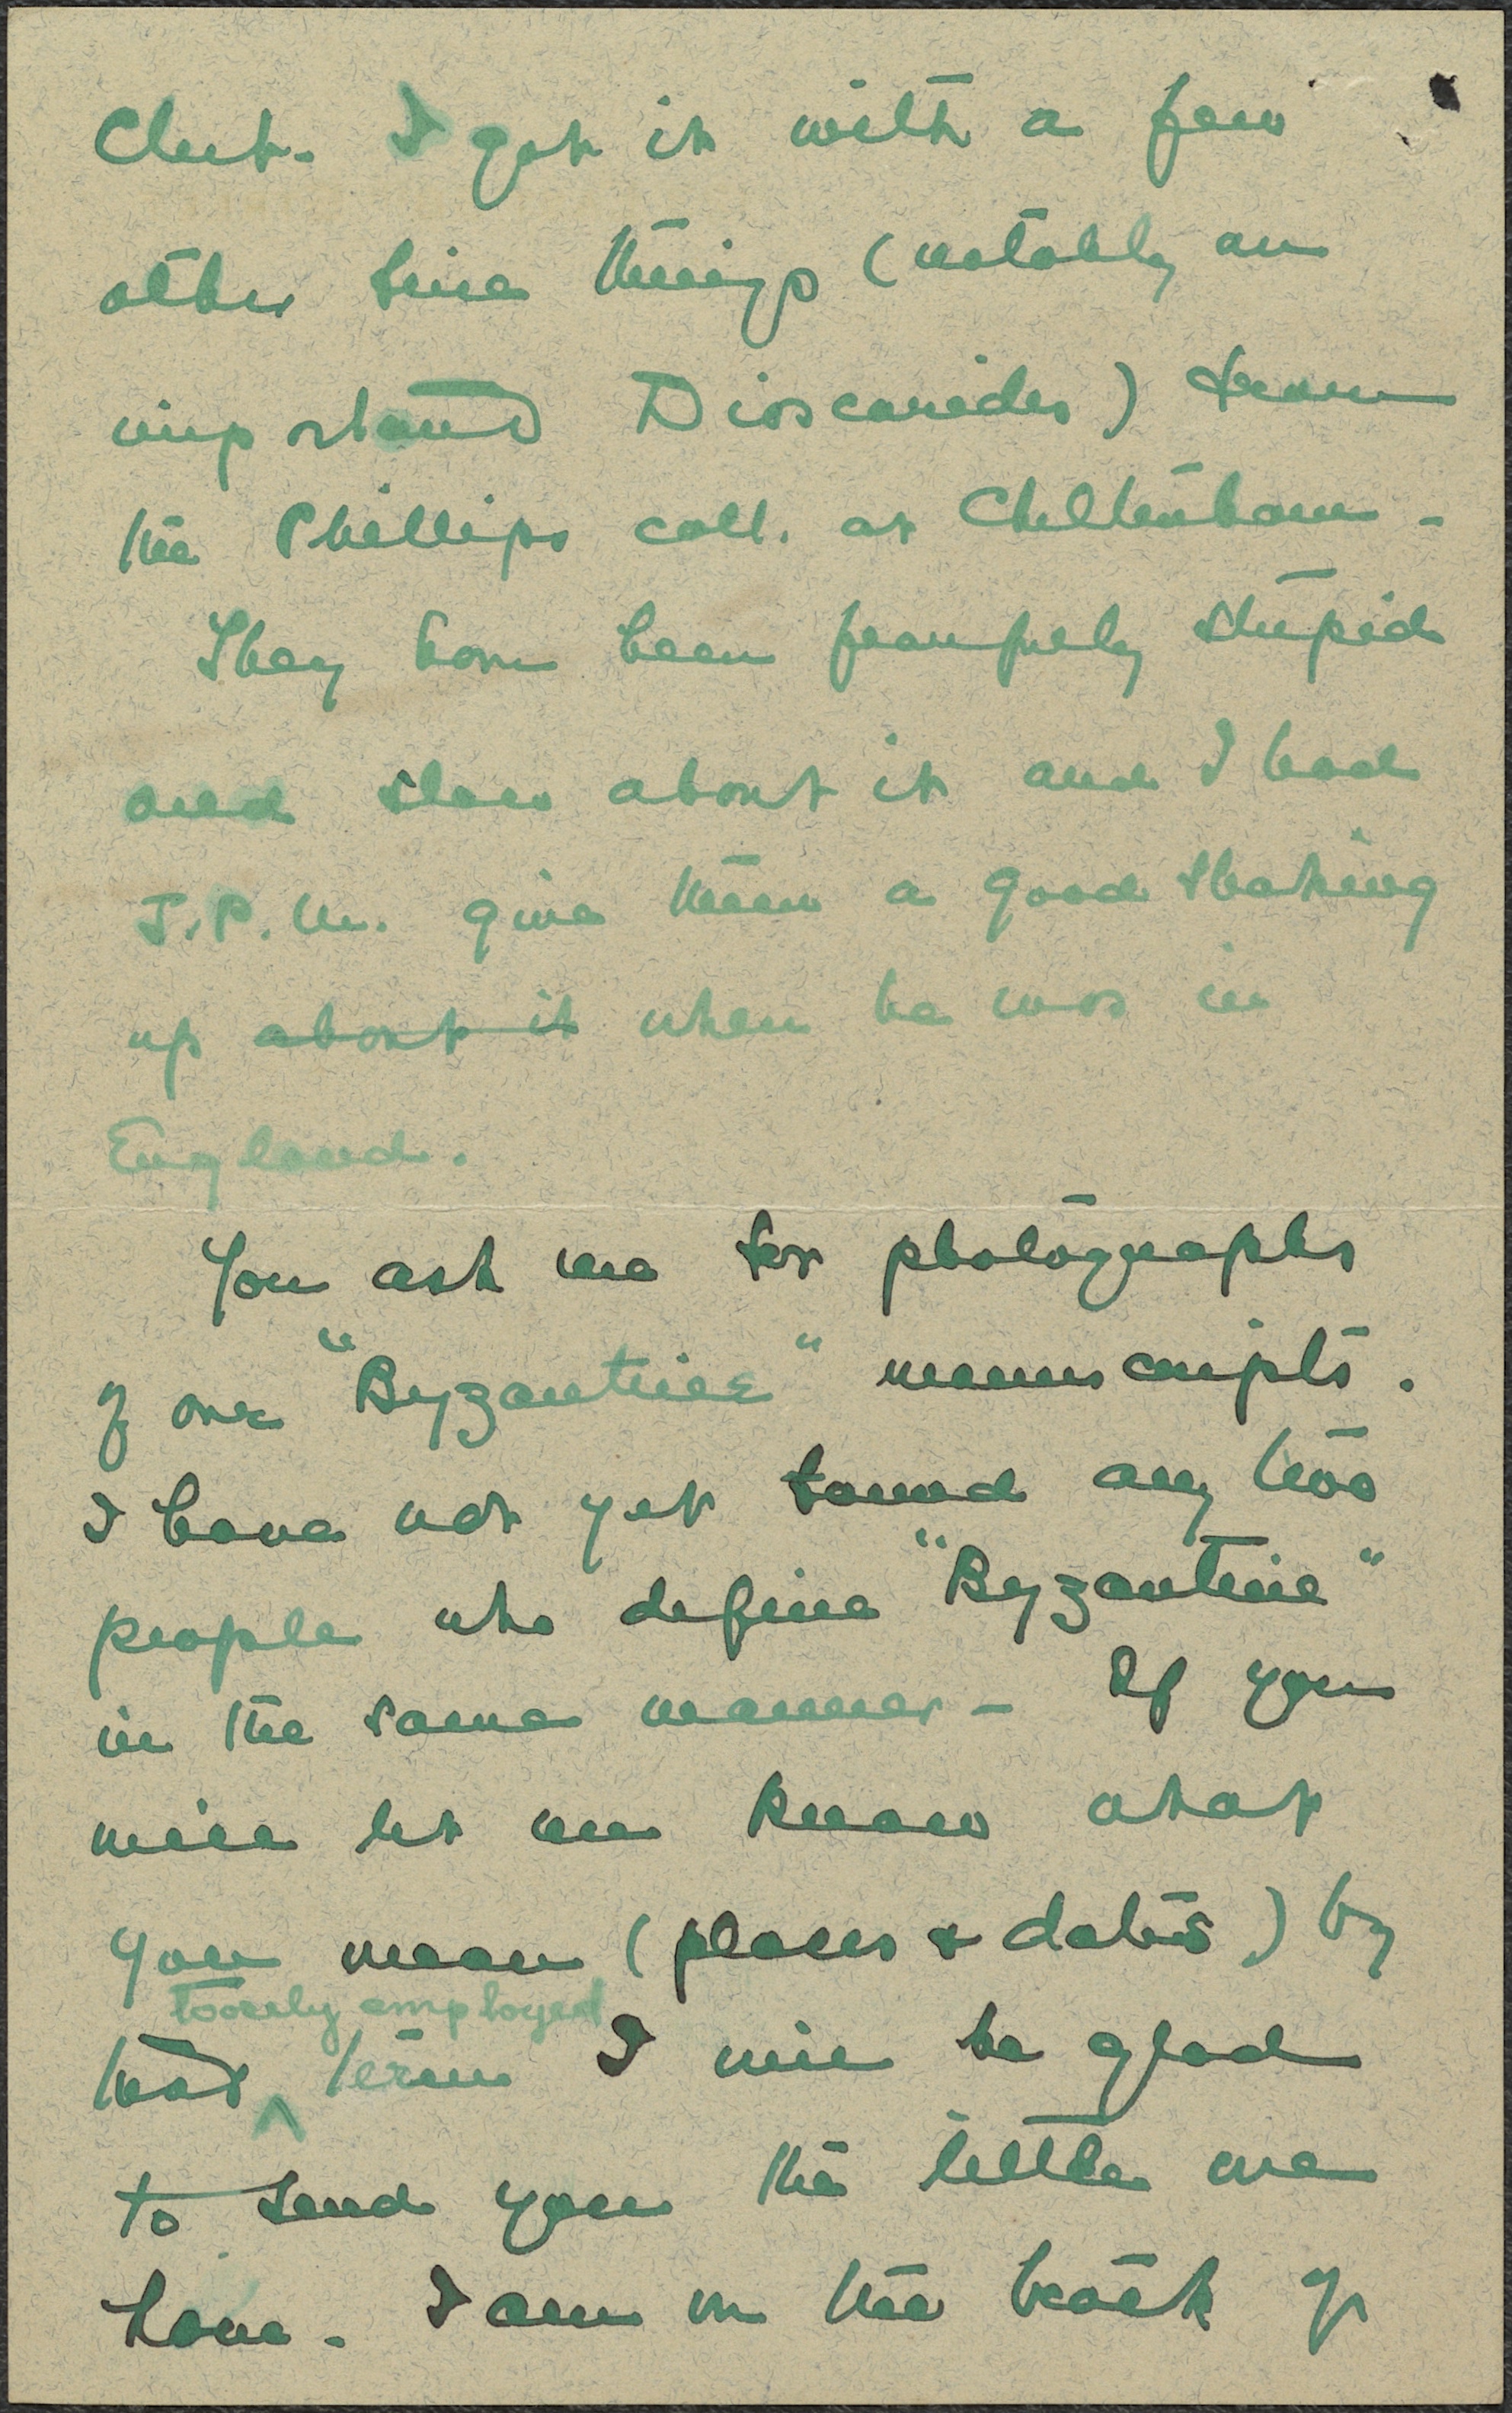Club – I got it with a few other fine things (notably an important Dioscorides) from the Phillips coll. at Cheltenham –
They have been fearfully stupid and slow about it and I had J.P.M. give them a good shaking up about it when he was in England.
You ask me for photographs of our “Byzantine” manuscripts. I have not yet found any two people who define “Byzantine” in the same manner – If you will let me know what you mean (places & dates) by that [^poorly employed^] term I will be glad to send you the little we have – I am in the track of